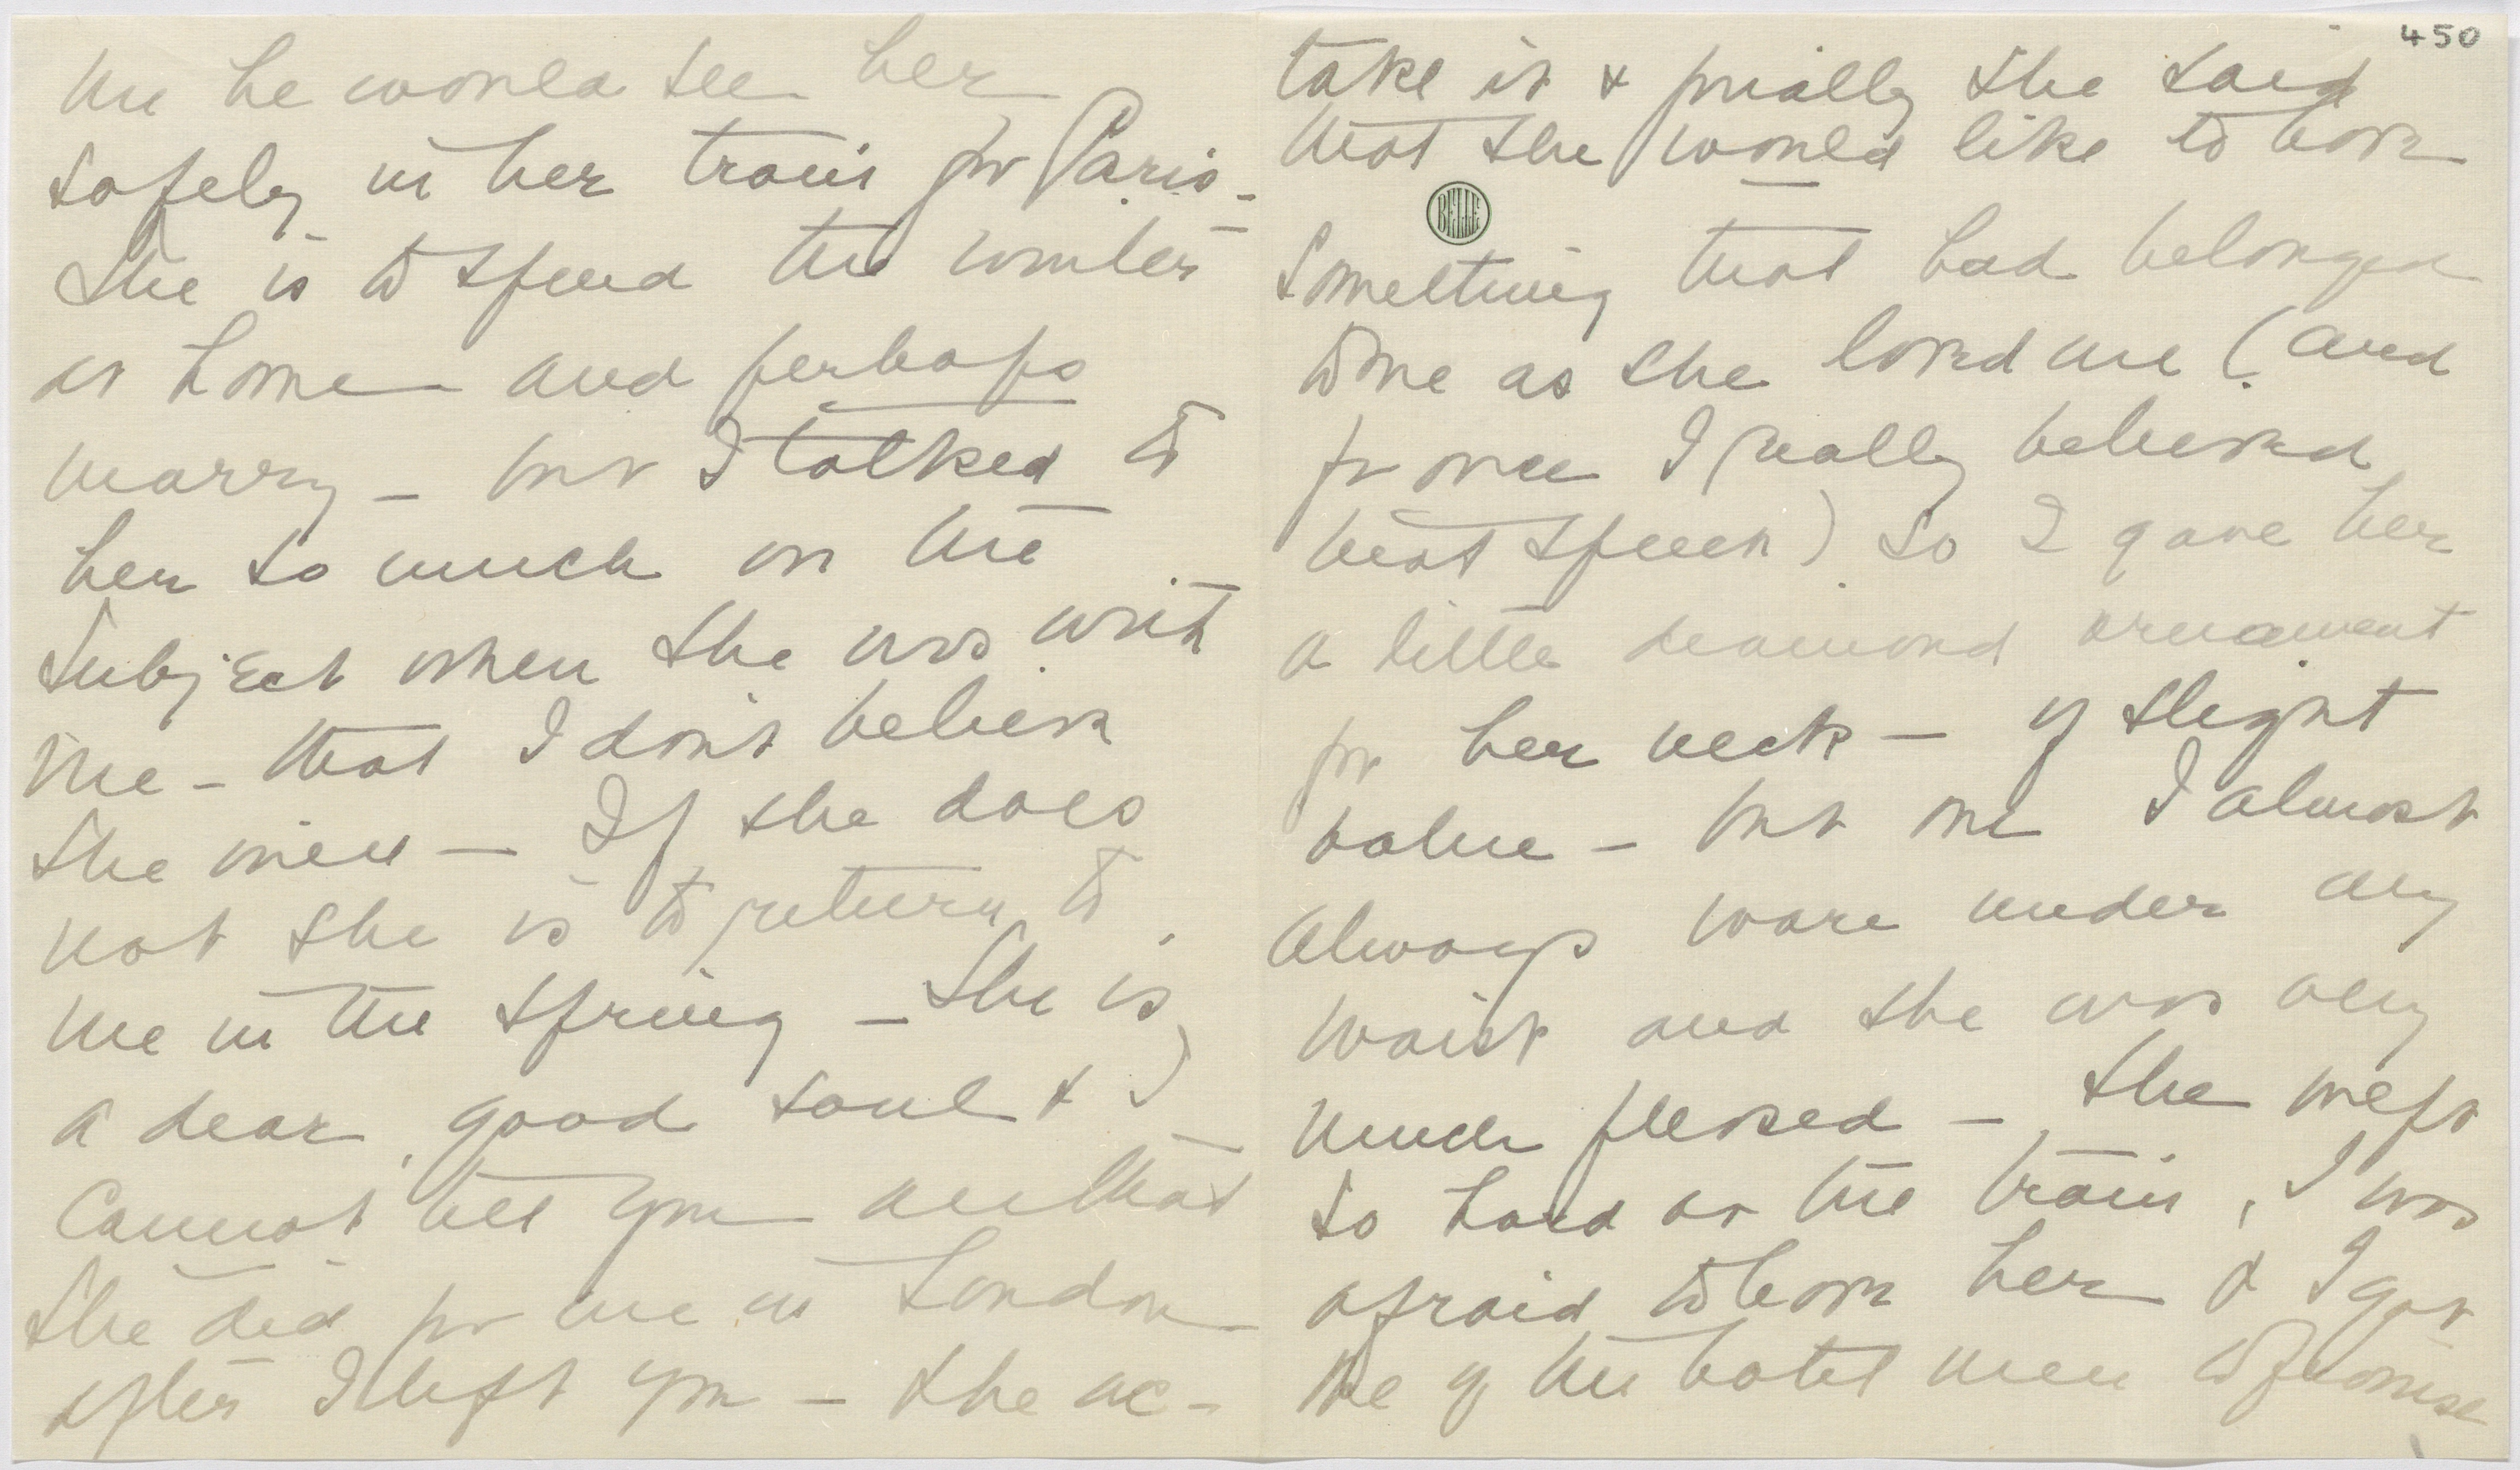take it & finally she said that she would like to have something that had belonged to me as she loved me (and for once I really believed that speech) so I gave her a little diamond ornament for her neck – of slight value – but one I almost always wore under my waist and she was very much pleased – she wept so hard at the train, I was afraid to leave her & I got one of the hotel men to promise
me he would see her safely in her train for Paris – She is to spend the winter at home and perhaps marry – but I talked to her so much on the subject when she was with me – that I don’t believe she will – If she does not she is to return to me in the spring – She is a dear, good soul & I cannot tell you all that she did for me in London after I left you – she actually